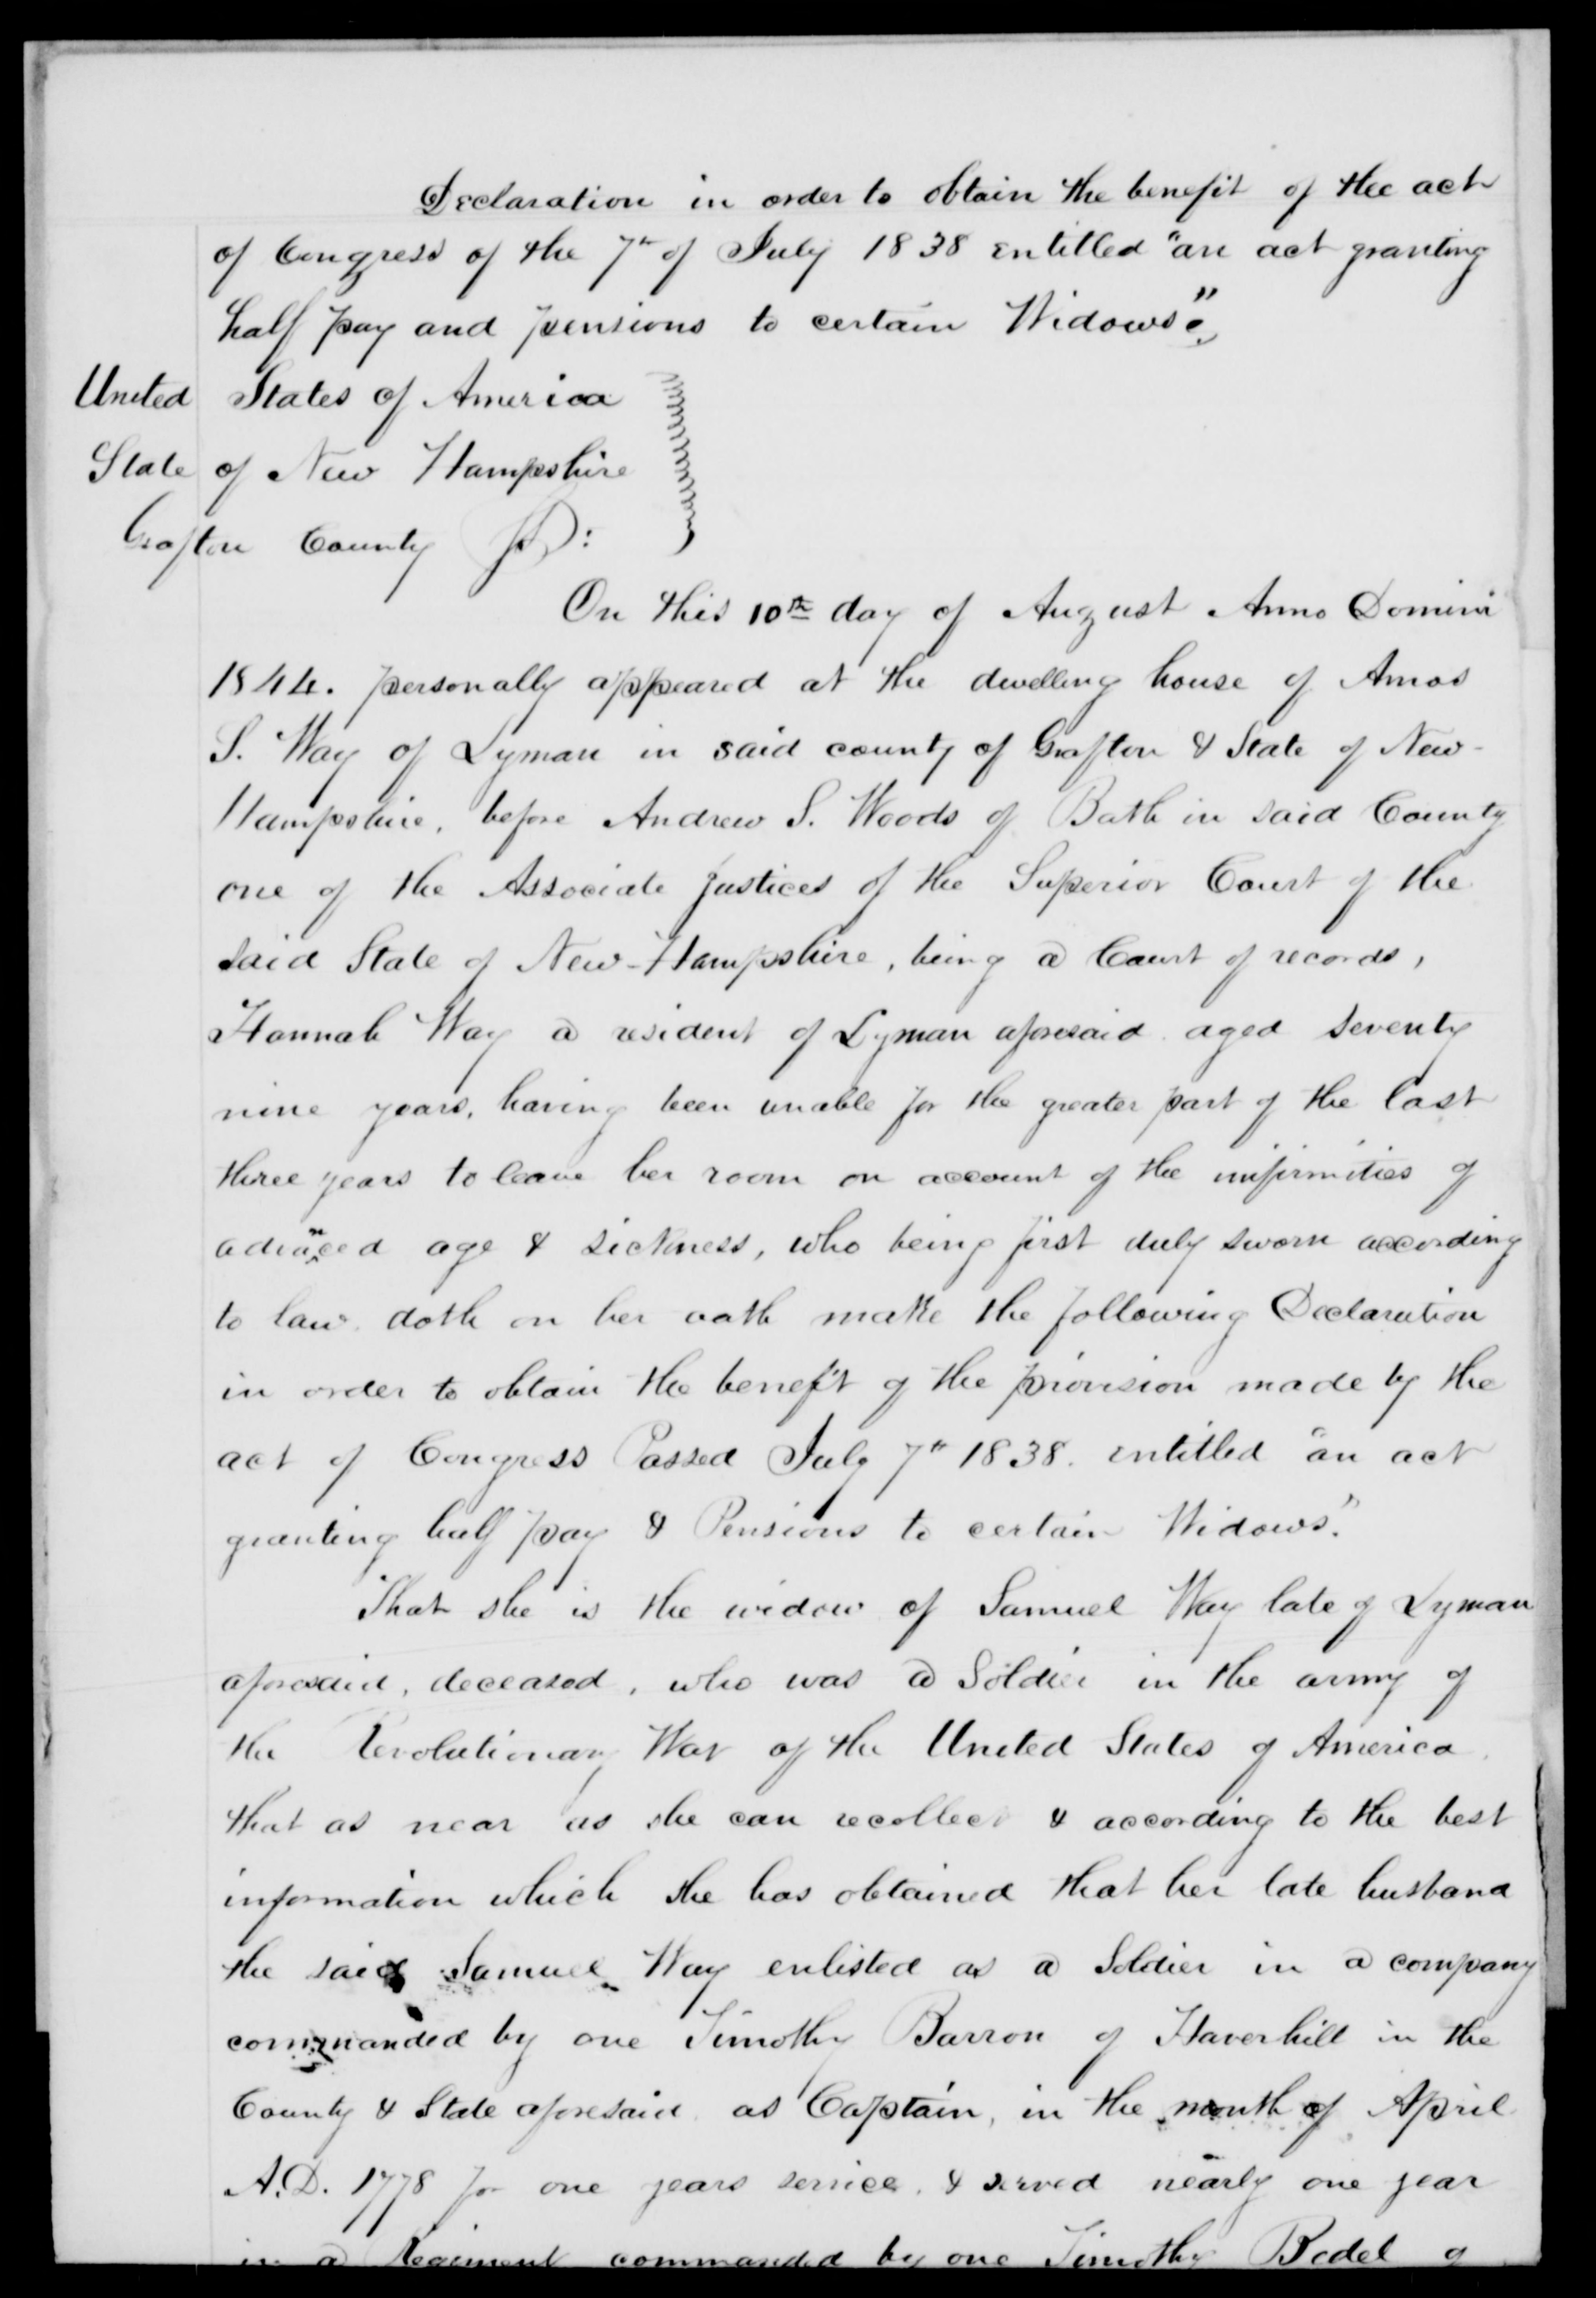Declaration in order to obtain the benefit of the act
of Congress of the 7th of July 1838 entitled "an act granting
half pay and pensions to certain Widows"
United States of America
State of New Hampshire
Grafton County SS:
On this 10th day of August Anno Domini
1844 personally appeared at the dwelling house of Amos
S. Way of Lyman in said County of Grafton & State of New
Hampshire before Andrew S. Woods of Bath in said County
one of the Associate Justices of the Superior Court of the
said State of New Hampshire, being a Court of records,
Hannah Way a resident of Lyman aforesaid aged Seventy
nine years, having been unable for the greater part of the last
three years to leave her room on account of the infirmities of
advanced age & sickness, who being first duly sworn according to
law doth on her oath make the following Declaration
in order to obtain the benefit of the provision made by the
act of Congress passed July 7th 1838 entitled "an act
granting half pay & pensions to certain Widows"
That she is the widow of Samuel Way late of Lyman
aforesaid, deceased, who was a Soldier in the army of
the Revolutionary War of the United States of America
that as near as she can recollect & according to the best
information which she has obtained that her late husband
the said Samuel Way enlisted as a Soldier in a company
commanded by one Timothy Barron of Haverhill in the
County & State aforesaid as Captain, in the month of April
A.D. 1778 for one years service & served nearly one year in a regiment commanded by one
Timothy Bedel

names: Samuel Way, Andrew S Woods, Timothy Bedel, Amos S Way, Timothy Barron, Hannah Way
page: 15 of 78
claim: widow's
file: W. 25856, Samuel Way, N.H.